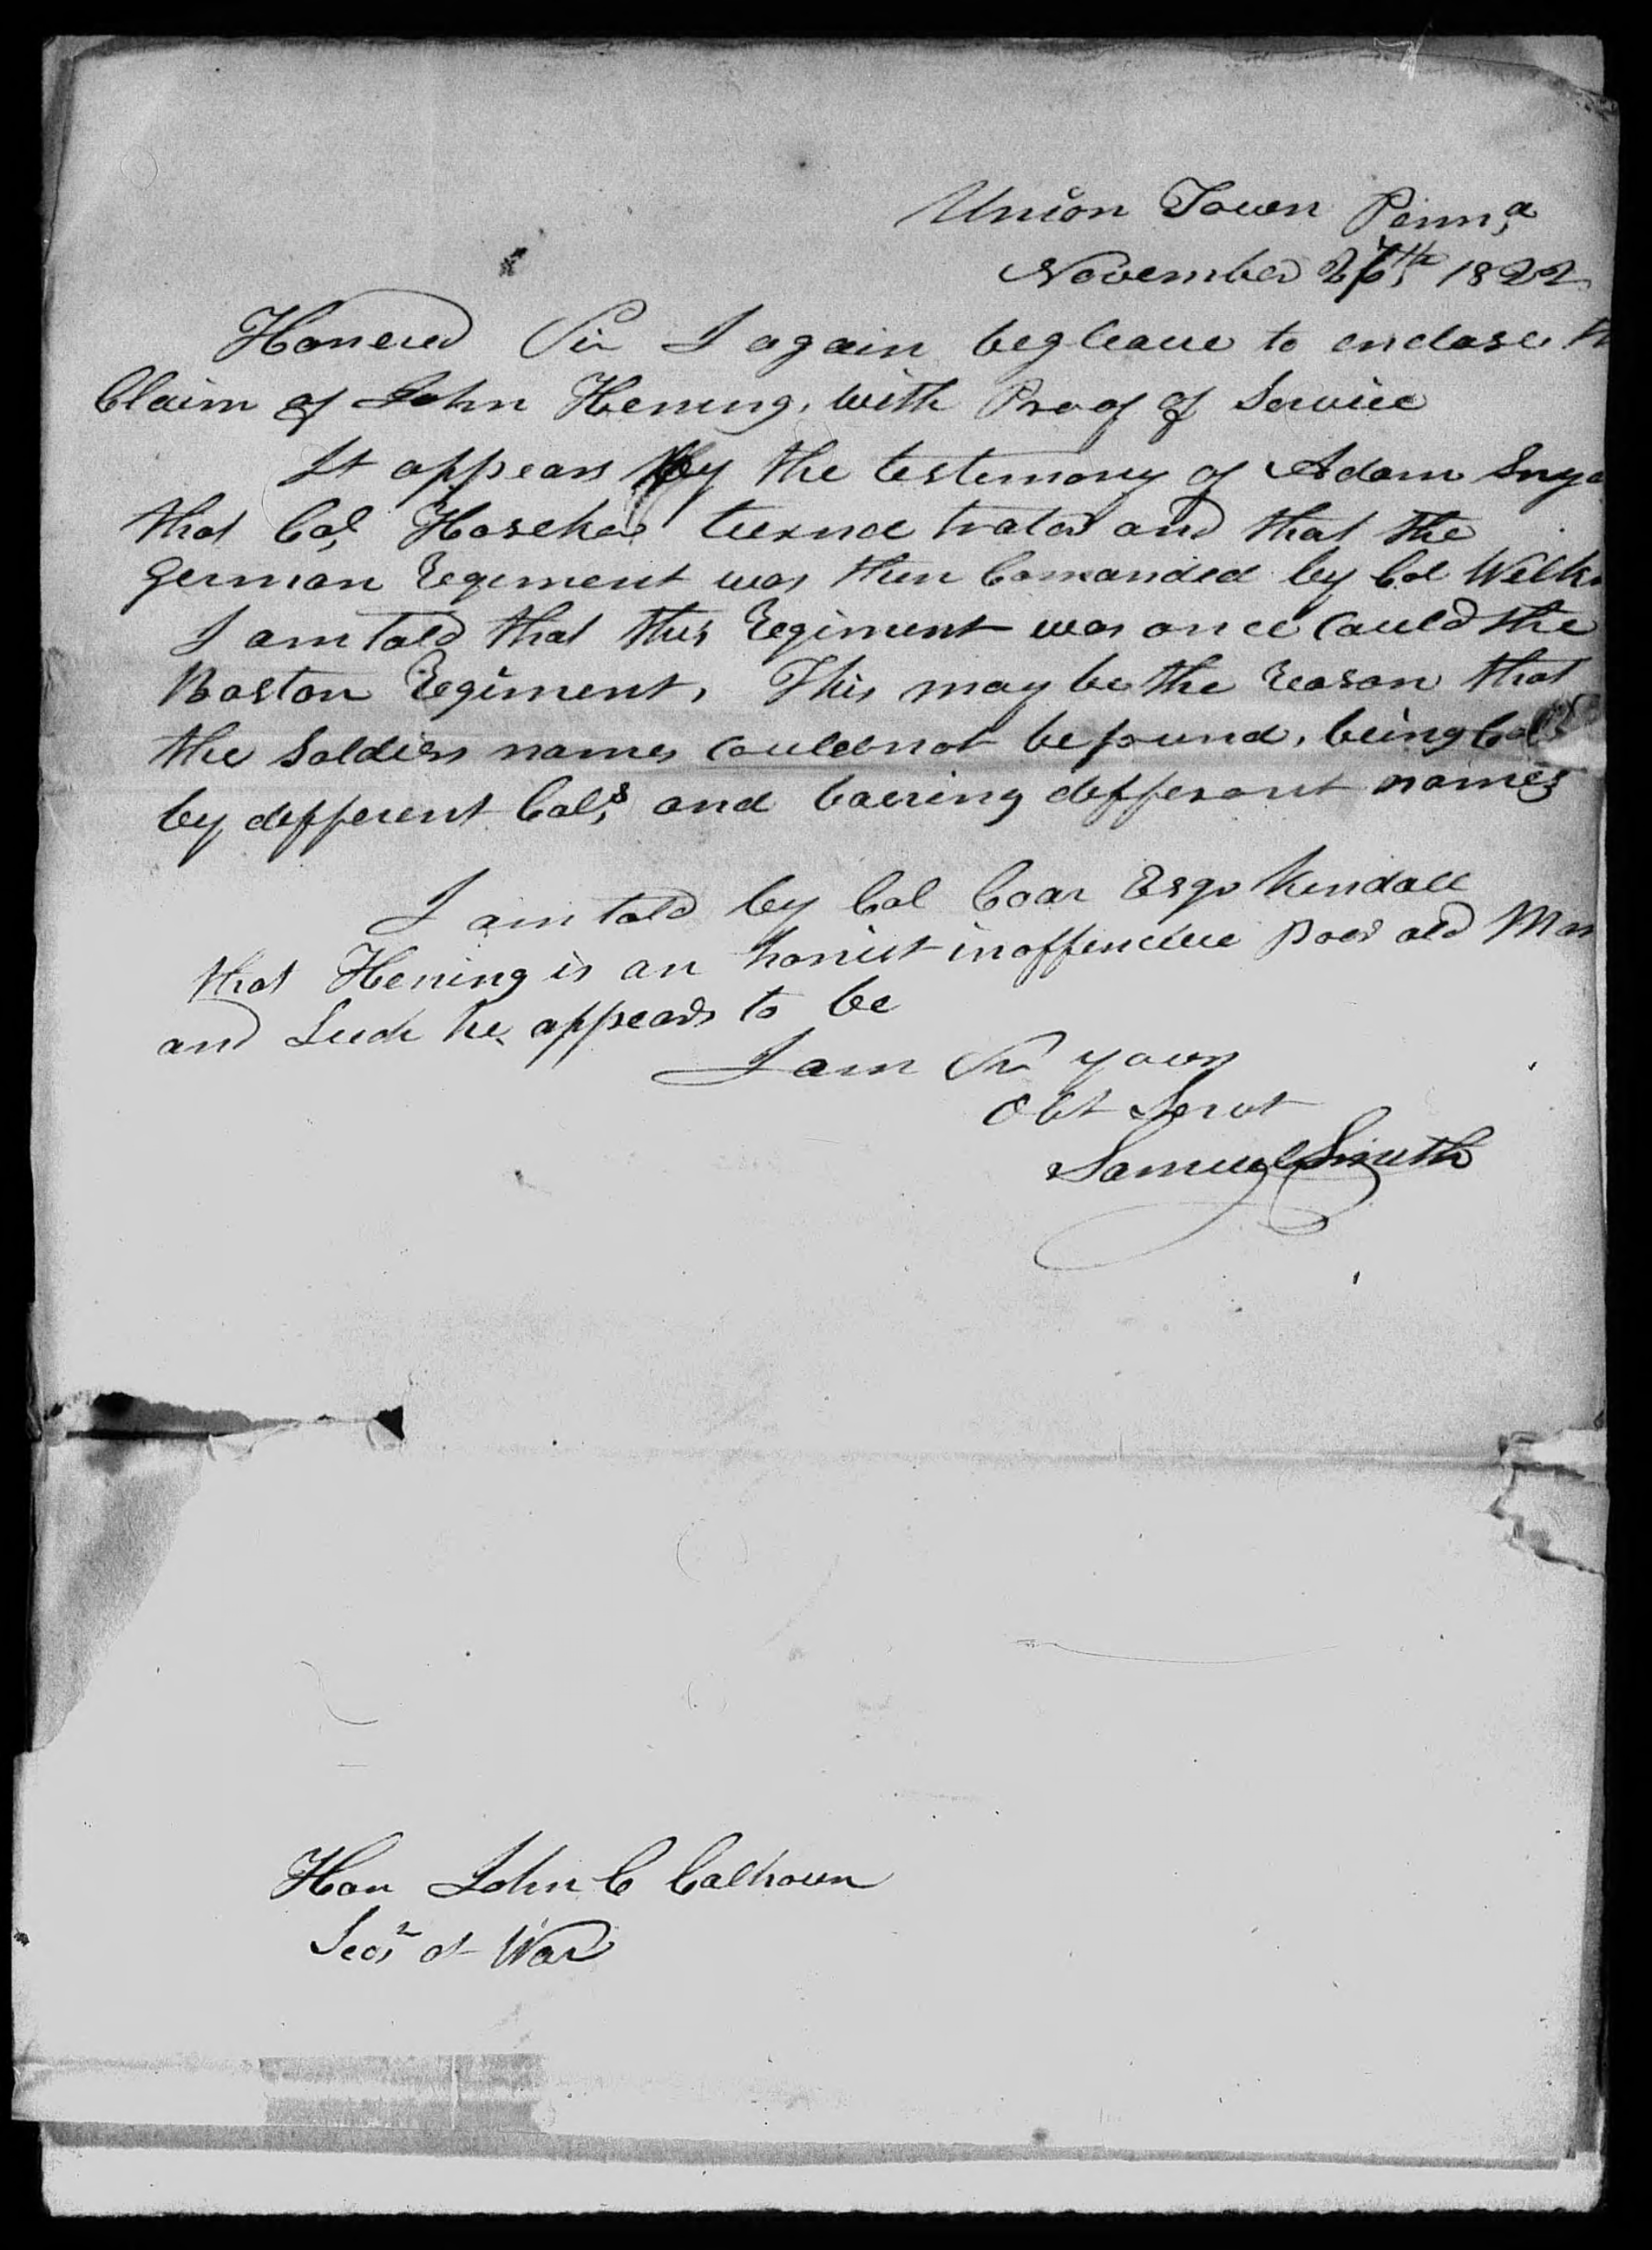Union Town Penna
November 27th [written over 26th] 1822

Honored Sir I again beg leave to enclose Claim of John Hening, with Proof of Service
It appears the testimony of Adam Sny[page cuts off here] that Col Hoseker [illegible] traded and that the German Regiment was there Commanded by Col Welk[page cuts off here] I am told that this Regiment was once called the Boston Regiment. This may be the reason that the Soldiers name could not be found, being [page is damaged here]  by different Cols and baering different names
I am told by Col Coar [illegible] Kendall that Hening is an honest inoffencive poor old man and Leede he appears to be 
I am your 
Obt Servt
Samuel Smith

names: Hening, Haseker, Samuel Smith, Kindall, John Hening, Coar, Welkner, Adam Snyder, John C Calhoun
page: 11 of 15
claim: survivor's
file: S. 39677, John Hening, Continental (Penn.)